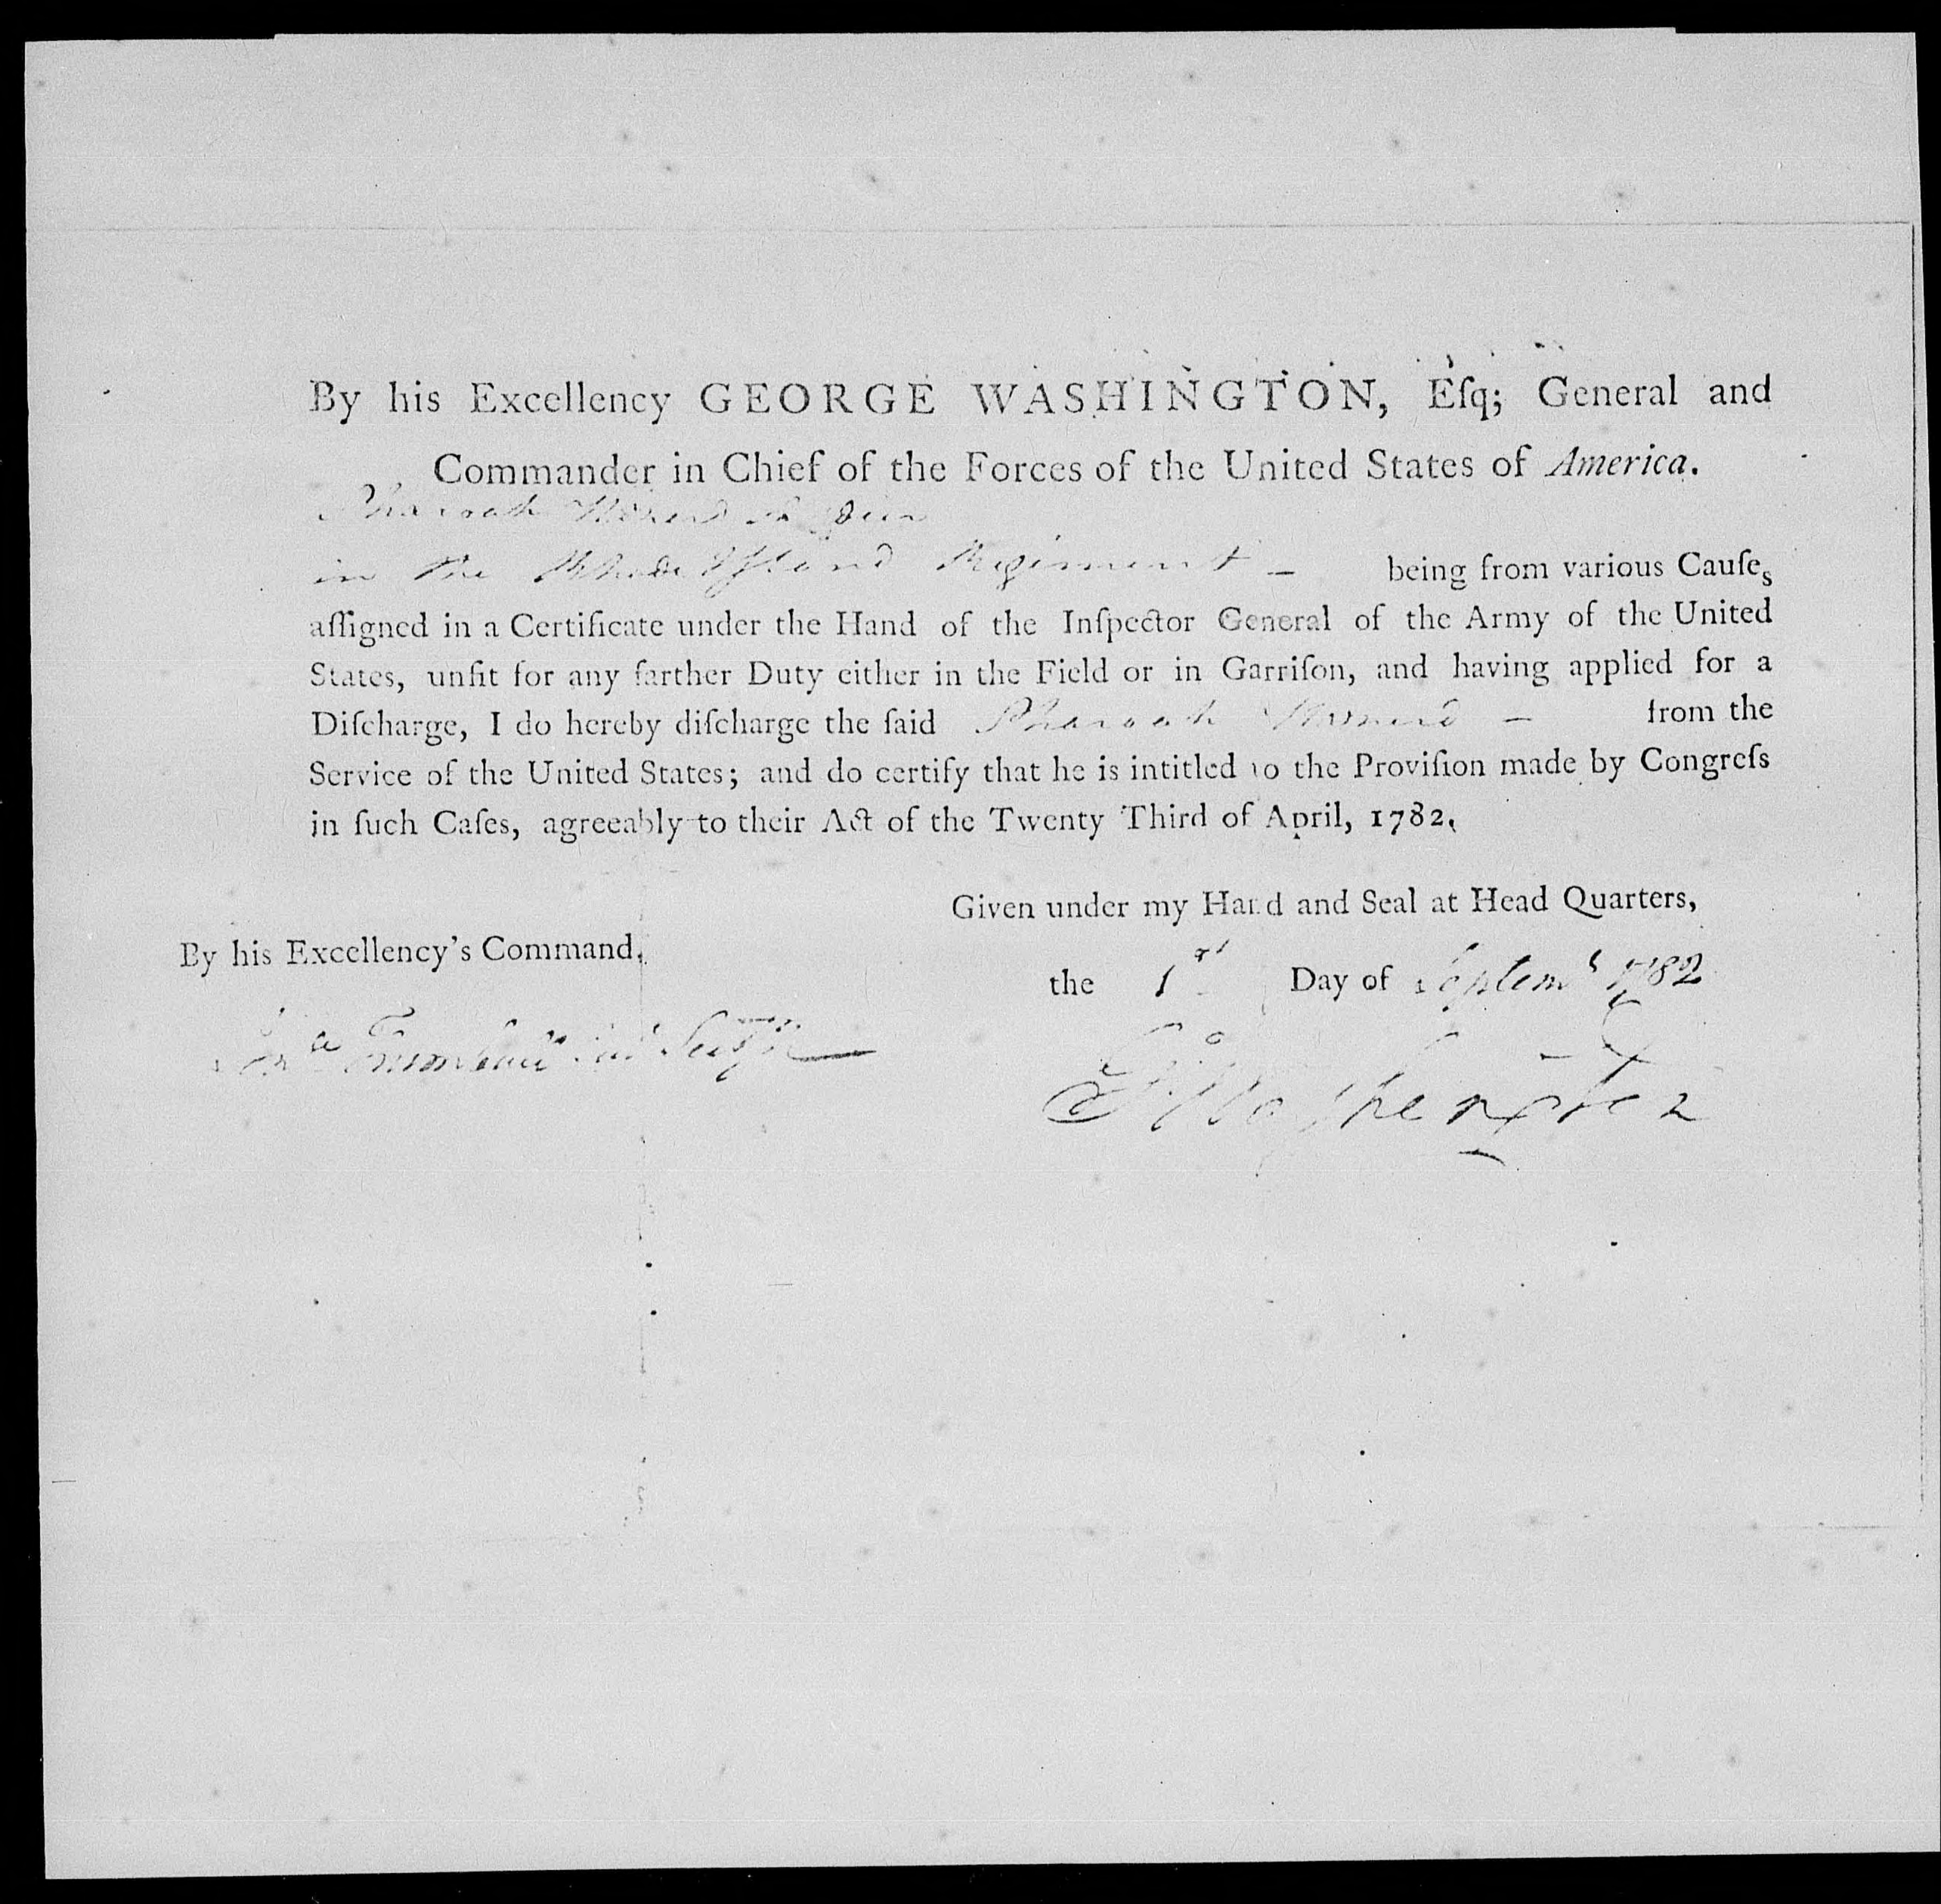By his Excellency GEORGE WASHINGTON, Esq; General and Commander in Chief of the Forces of the United States of America. 

Pharoah Hazard [illegible] in the Rhode Island Regiment - being from various Causes assigned in a Certificate under the Hand of the Inspector General of the Army of the United States, unfit for any farther Duty either in the Field or in Garrison, and having applied for a Discharge, I do hereby discharge the said Pharoah Hazard - from the Service of the United States; and do certify that he is intitled [sic] to the Provision  made by Congress in such Cases, agreeably to their Act of the Twenty Third of April, 1782. 

Given under my Hand and Seal at Head Quarters, 
the 1st Day of September 1782
George Washington

By his Excellency's Command
Jno Trumbull Sect'y.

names: Jno Trumbull, Pharoah Hazard, Pharoah Hazard, George Washington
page: 4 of 7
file: Rej. B. L., Pharaoh Hazerd, R.I.